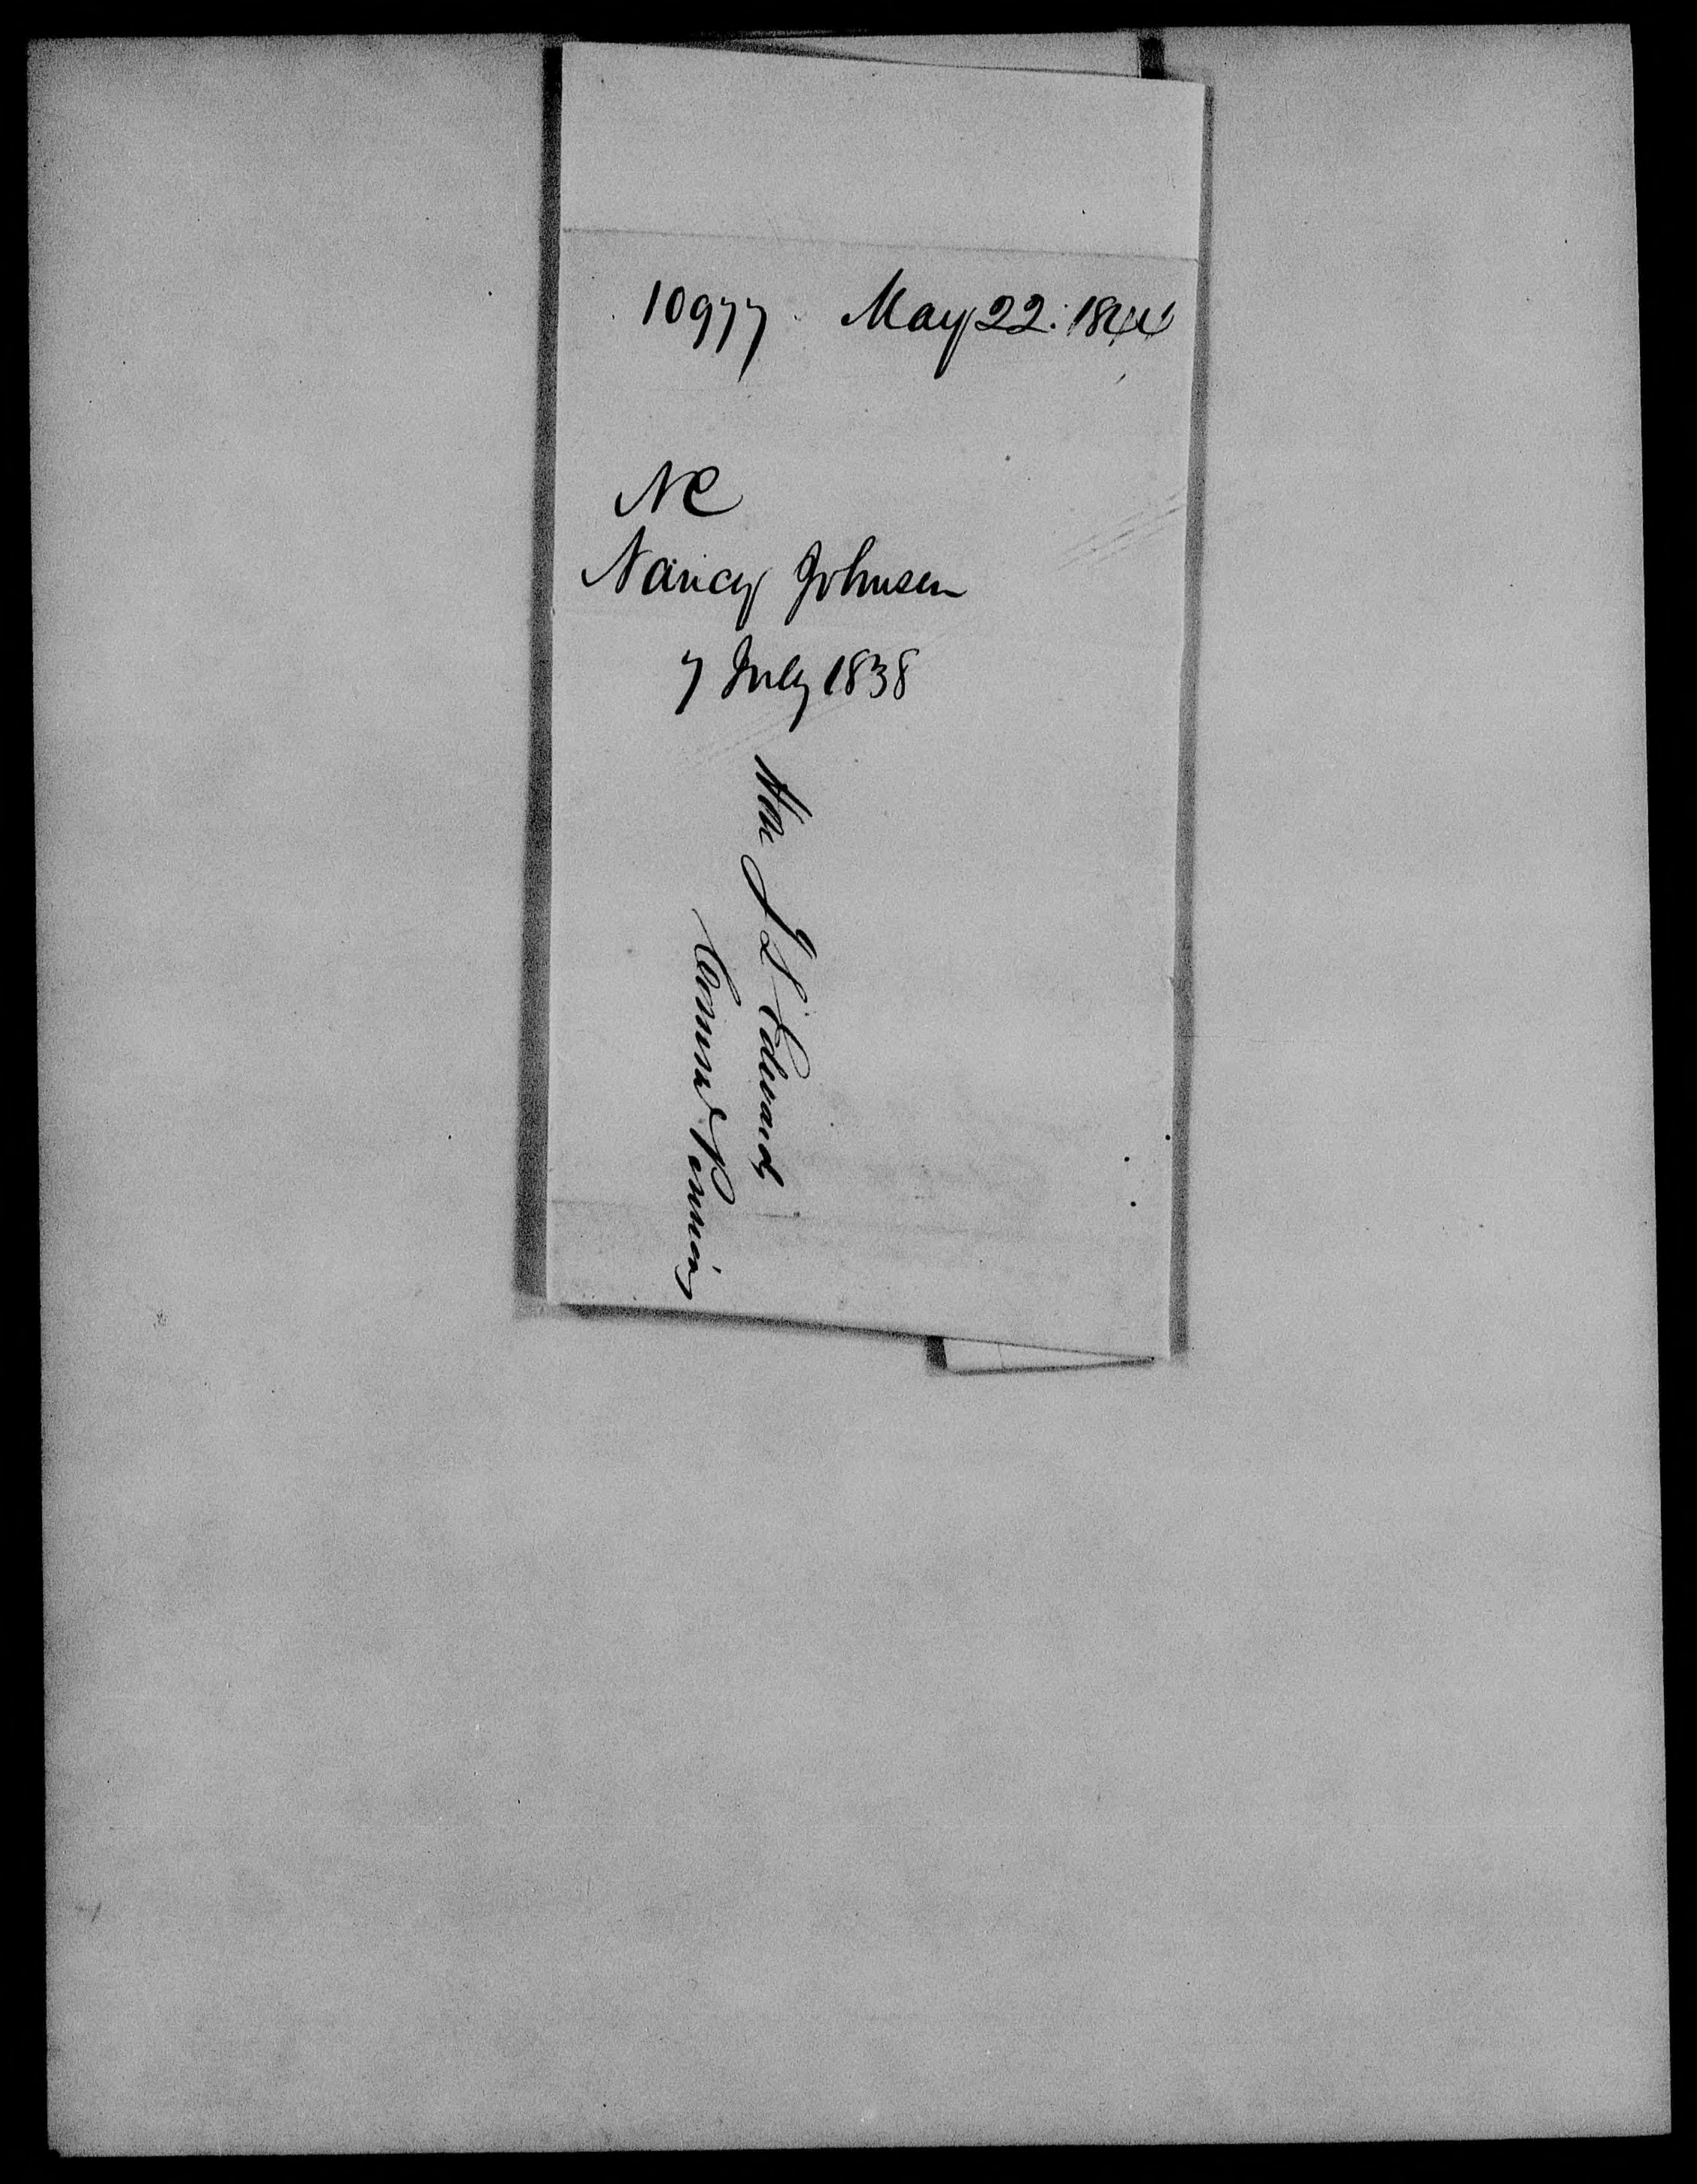10977 May 22, 1844

NC
Nancy Johnson
7 July 1838

[written sideways] Hon J. L. Edwards Commr [Commissioner] Pensions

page: 35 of 41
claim: widow's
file: W. 5033, for Joseph Johnston, North Carolina